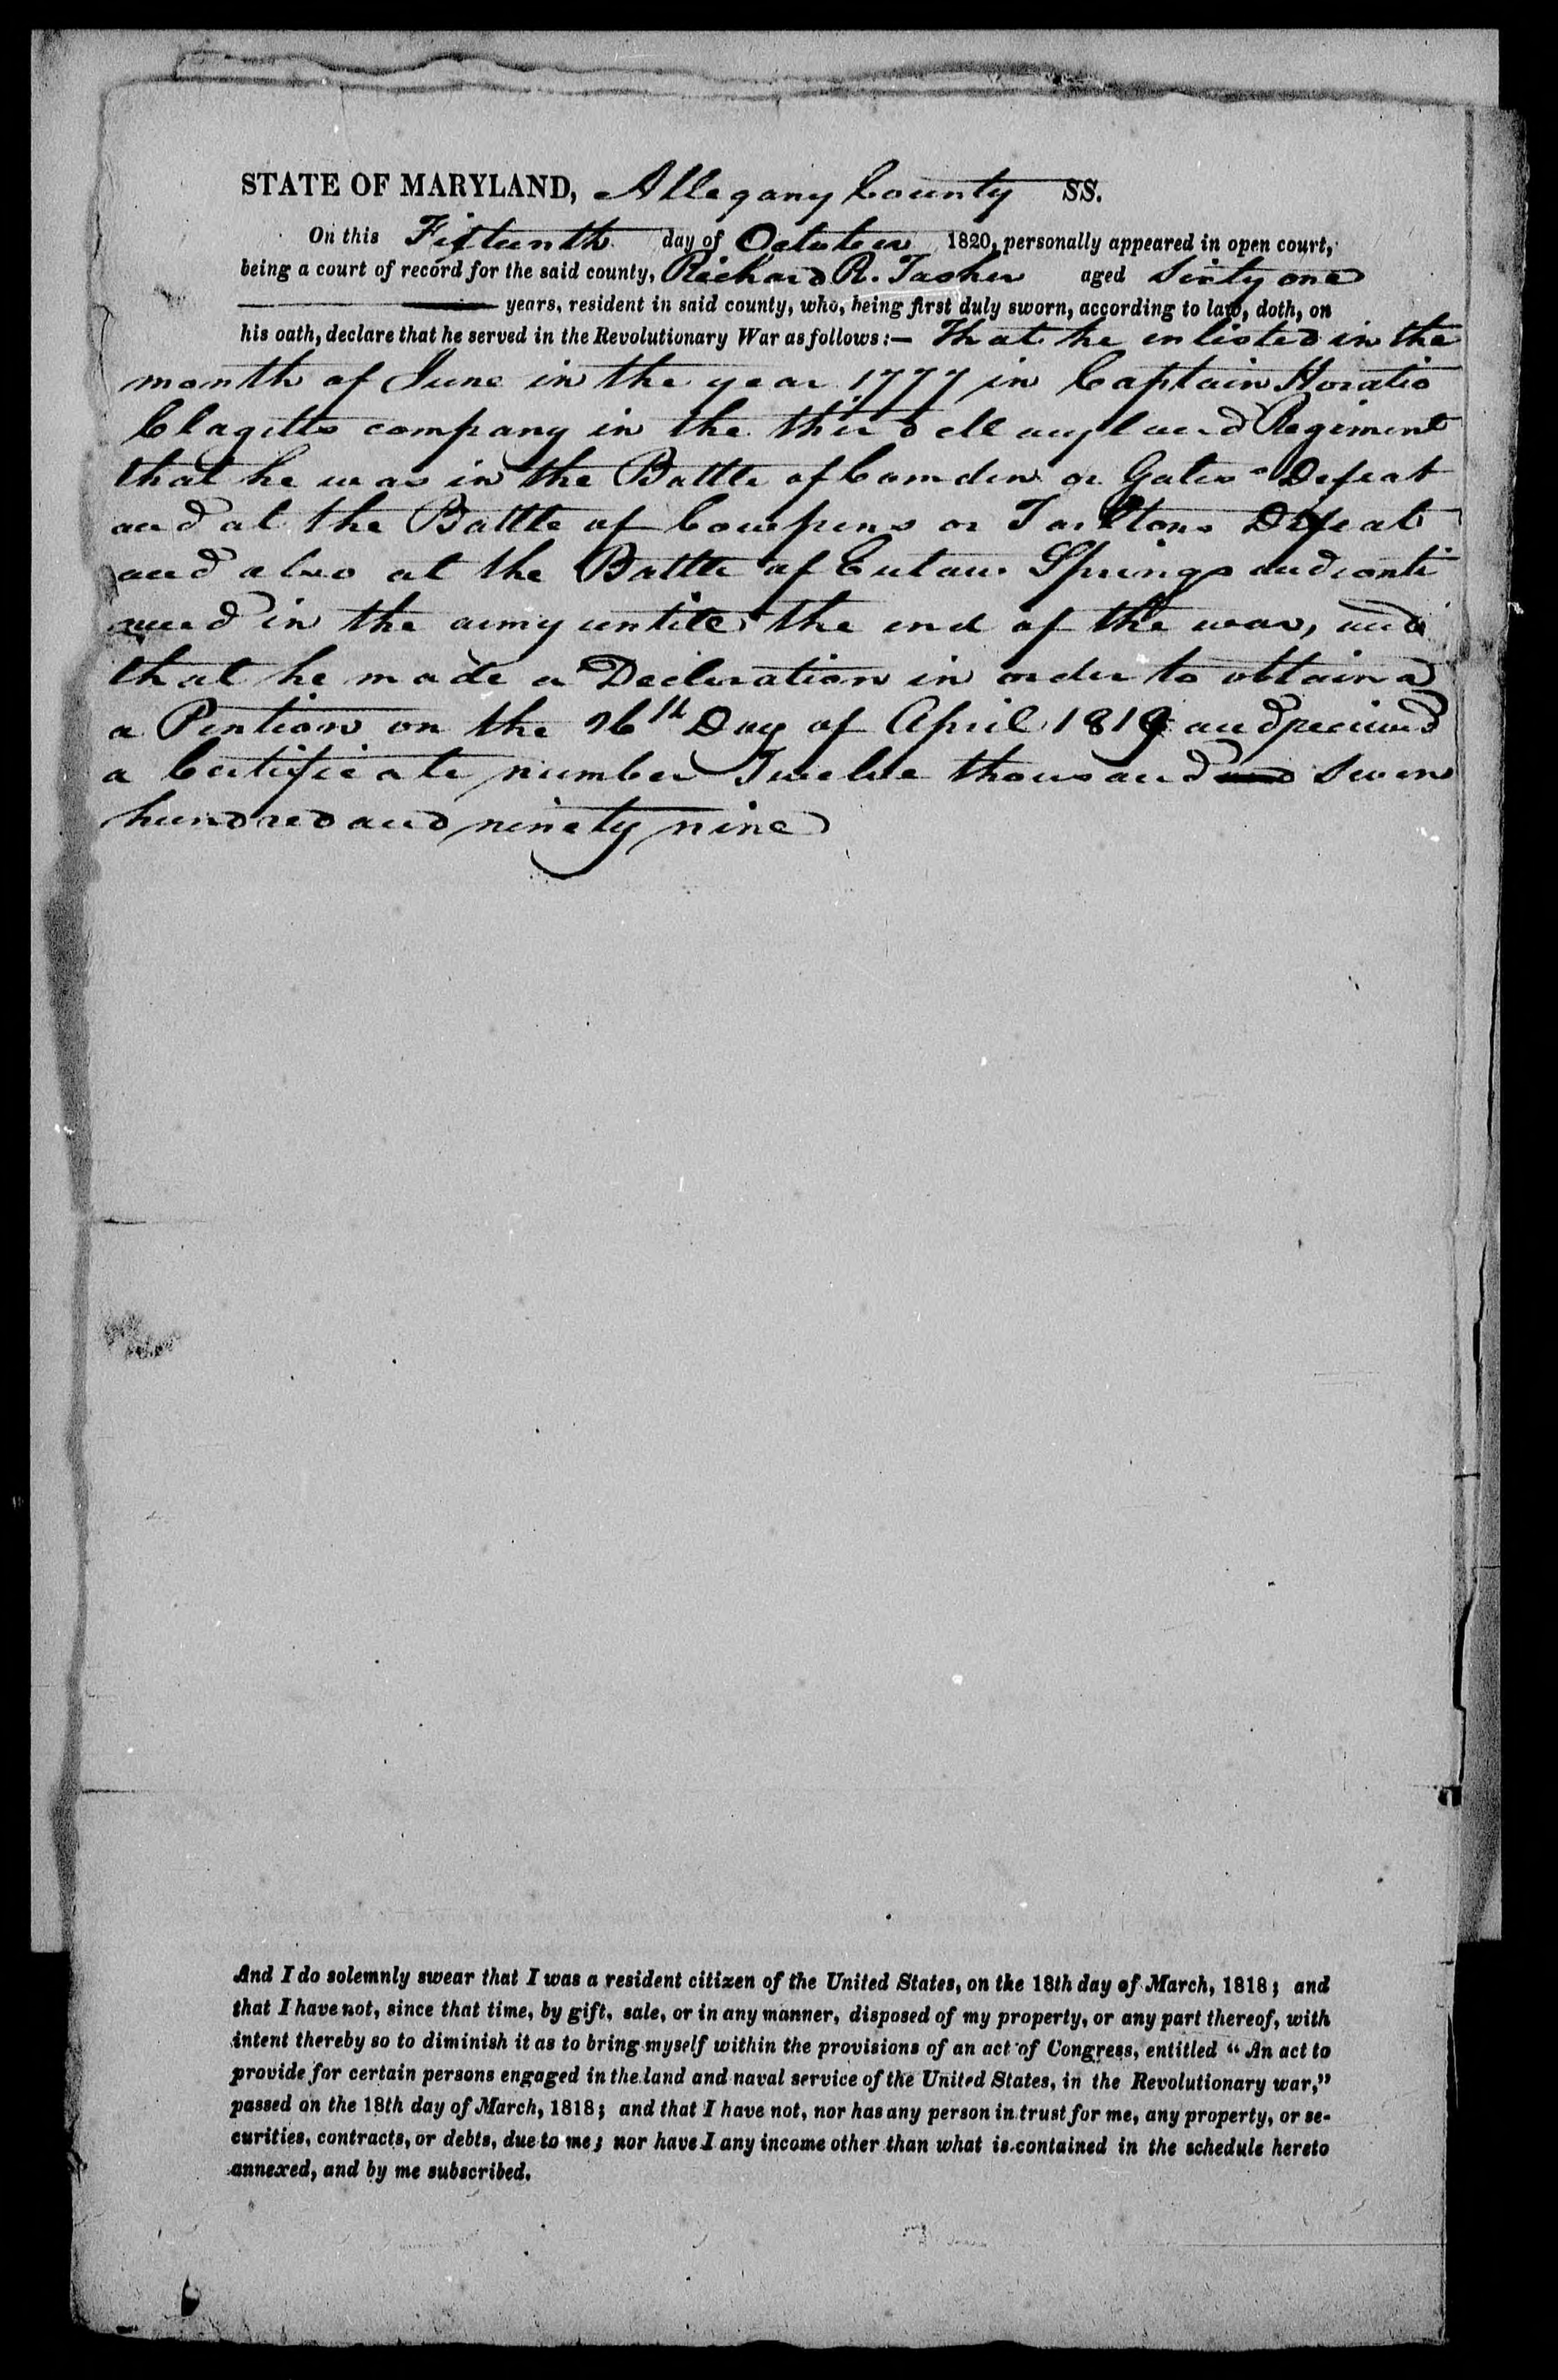State of Maryland, Allegany County  Ss.
On this Fifteenth day of October, 1820, personally appeared in open court, being a court of record for the said county, Richard R. Tasker aged Sixty one years, resident in said county, who, being first duly sworn, according to law, doth, on his oath, declare that he served in the Revolutionary War as follows:--That he enlisted in the month of June in the year 1777 in Captain Horatio Clagetts company in the third draught and Regiment that he was in the Battle of Camden or Gates Defeat and at the Battle of Cowpens or Tarlton's Defeat and also at the Battle of Eutaw Springs and continued in the army untill the end of the war, and that he made a Declaration in order to attain a Pention on the 26th Day of April, 1819 and received a Certificate number Twelve thousand and seven hundred and ninety nine

And I do solemnly swear that I was a resident citizen of the United States, on the 18th day of March, 1818; and that I have not, since that time, by gift, sale, or in any manner, disposed of my property, or any part thereof, with intent thereby so to diminish it as to bring myself within the provisions of an act of Congress, entitled "An act to provide for certain persons engaged in the land and naval service of the United States, in the Revolutionary war," passed on the 18th day of March, 1818; and that I have not nor has any person in trust for me, any property, or securities, contracts, or debts, due to me; nor have I any income other than what is contained in the schedule hereto annexed, and by me subscribed.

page: 9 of 25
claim: survivor's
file: S. 35093, for Richard R Tasker, Maryland